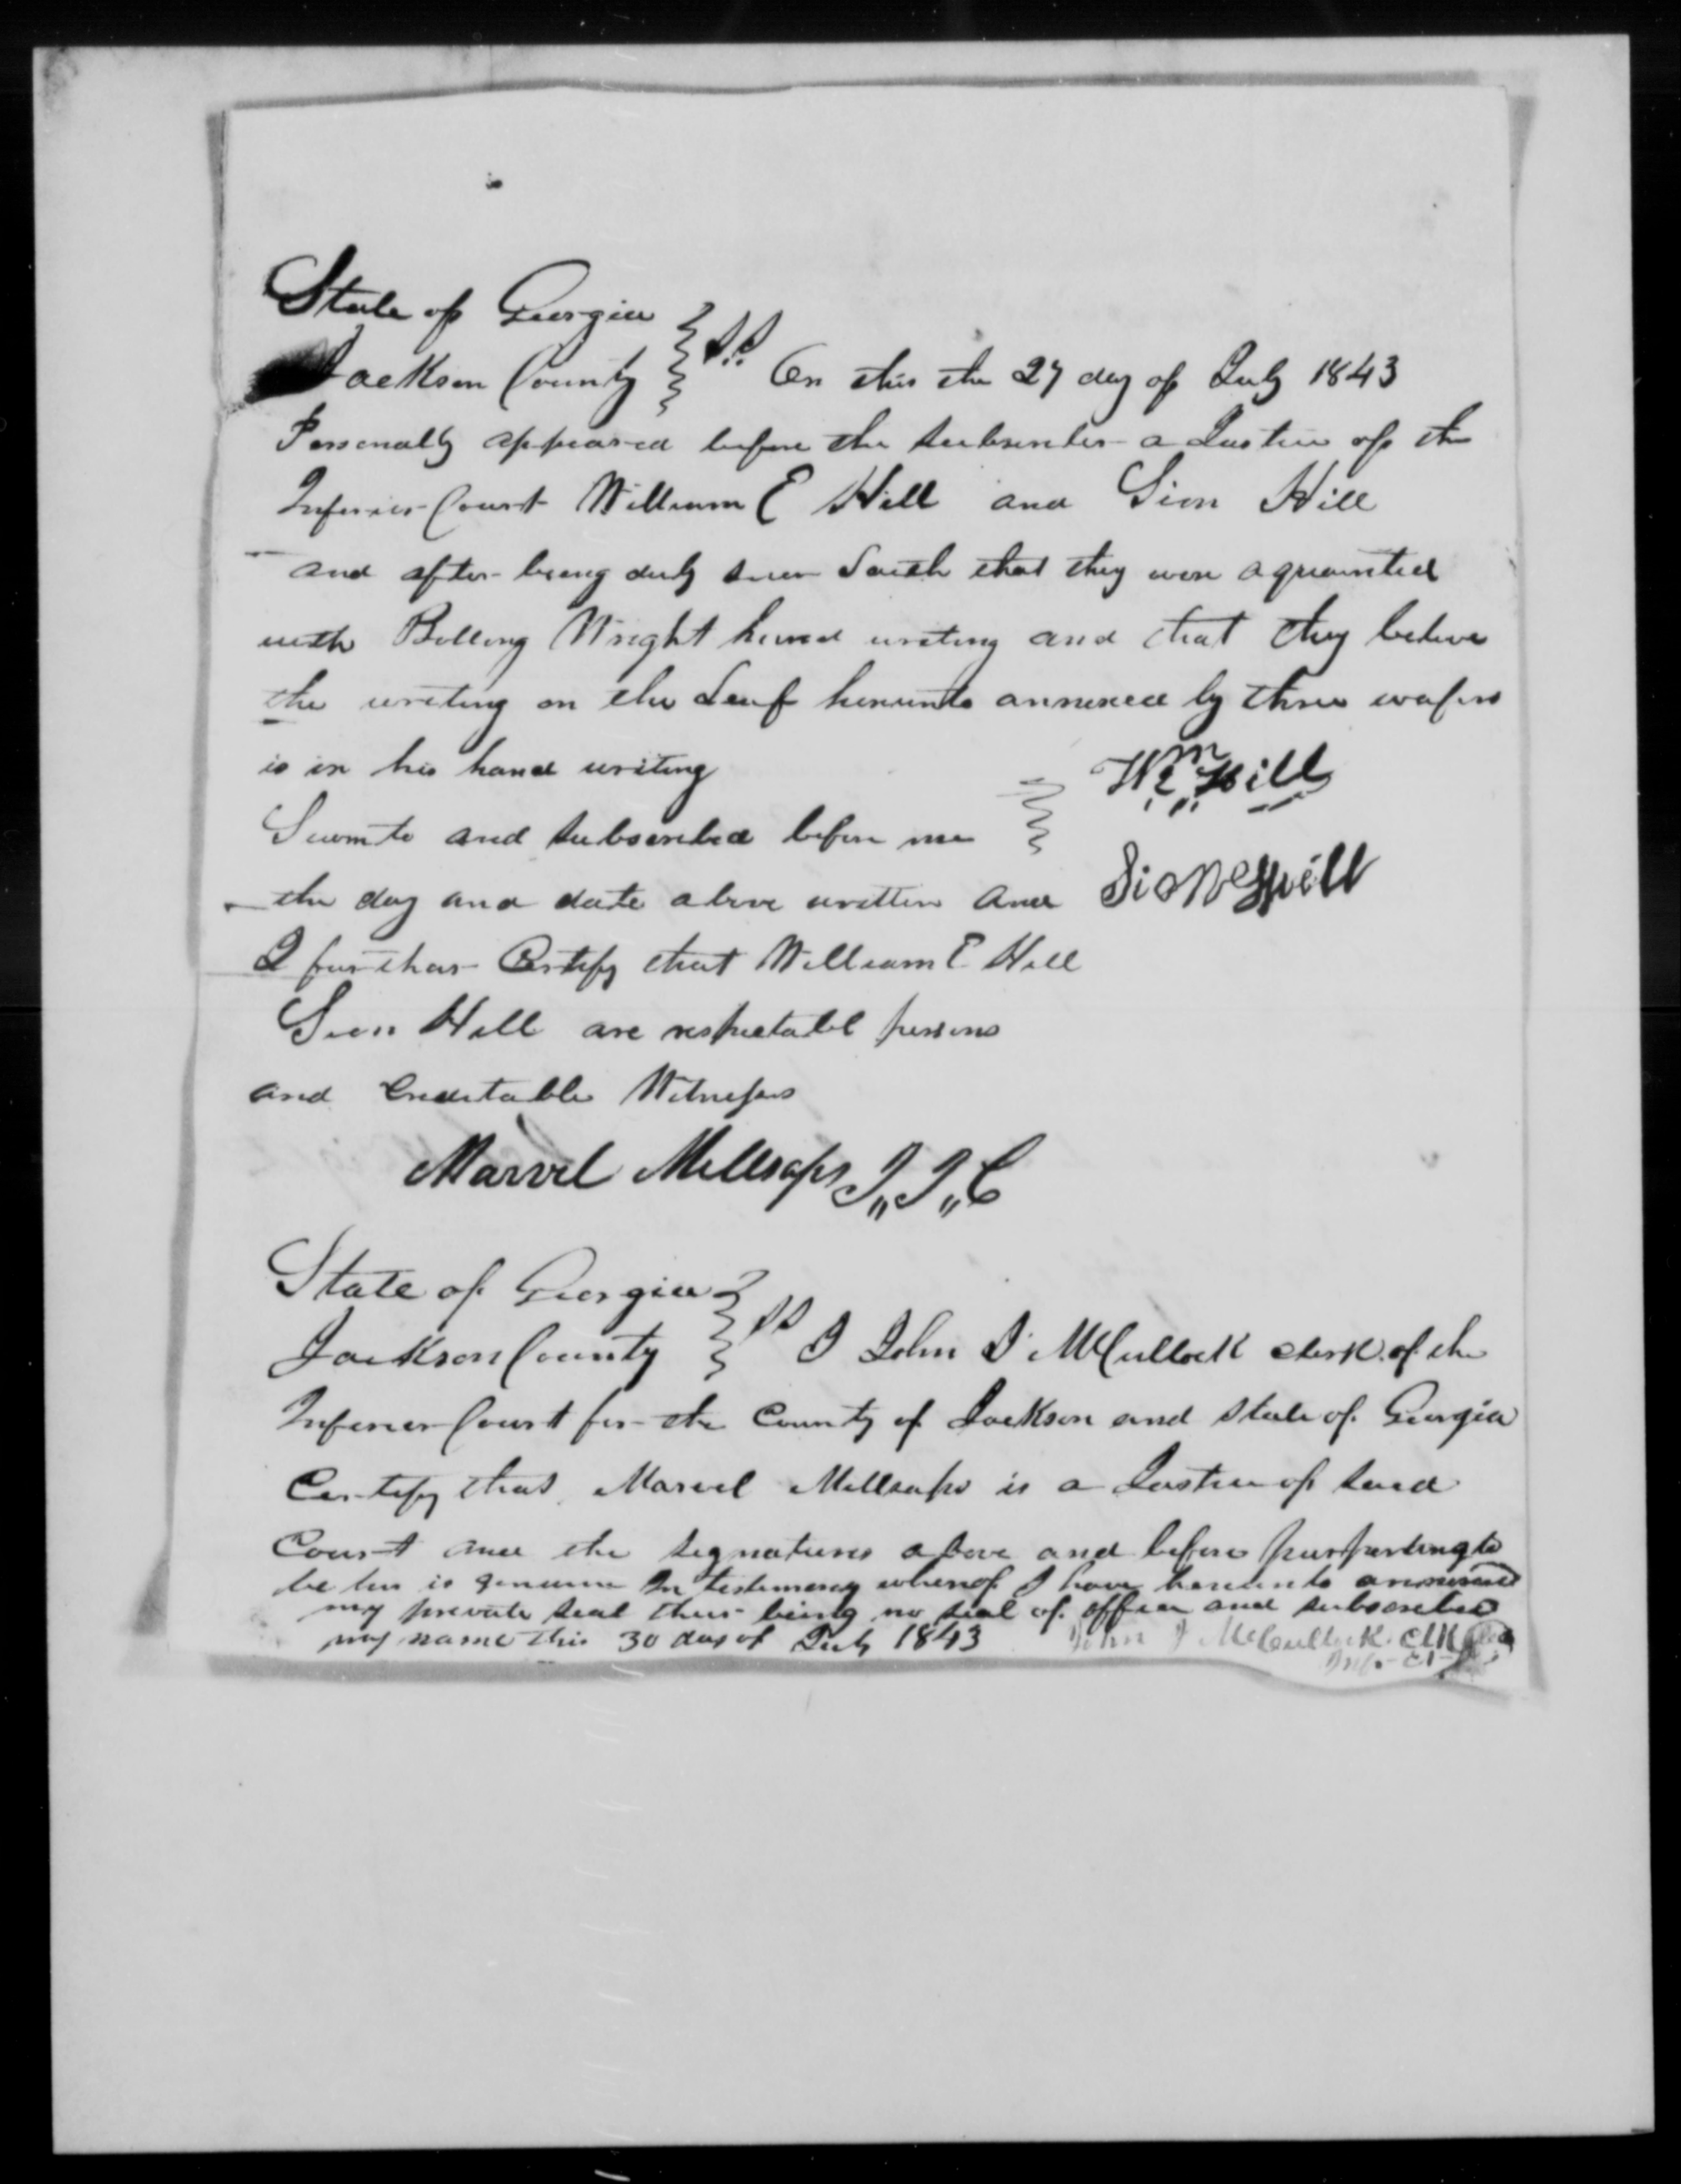State of Georgia} S.S.
Jackson County} On this the 27 day of July 1843 Personally appeared before the Subscriber a Justice of the Inferior Court William E Hill and Sim Hill and after being duly sworn Saith that they were acquainted with Bolling Wright hand writing and that they believe the writing on the Leaf hereunto annexed by three wafers is in his hand writing
Wm. E. Hill
Sim Hill
Sworn to and subscribed before me
the day and date above written and
I further Certify that William E Hill Sim Hill are respectable persons and creditable witnesses
Marvel Millsaps J,,I,,C

State of Virginia} SS
Jackson County} I John D McCullock clerk of the Inferior Court for the County of Jackson and State of Georgia Certify that Marvel Millsaps is a Justice of said Court and the Signatures above and before purporting to be his is genuine In testimony whereof I have hereunto annexed my private seal there being no seal of office and subscribed my name this 30 day of July 1843 John D. McCullock Clk
Inf. Ct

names: John J Mc Cullock, Bolling Wright, William E Hill, Marvel Millsaps, Sim Hill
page: 9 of 81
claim: widow's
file: W. 5183, Bolling Wright, Va.